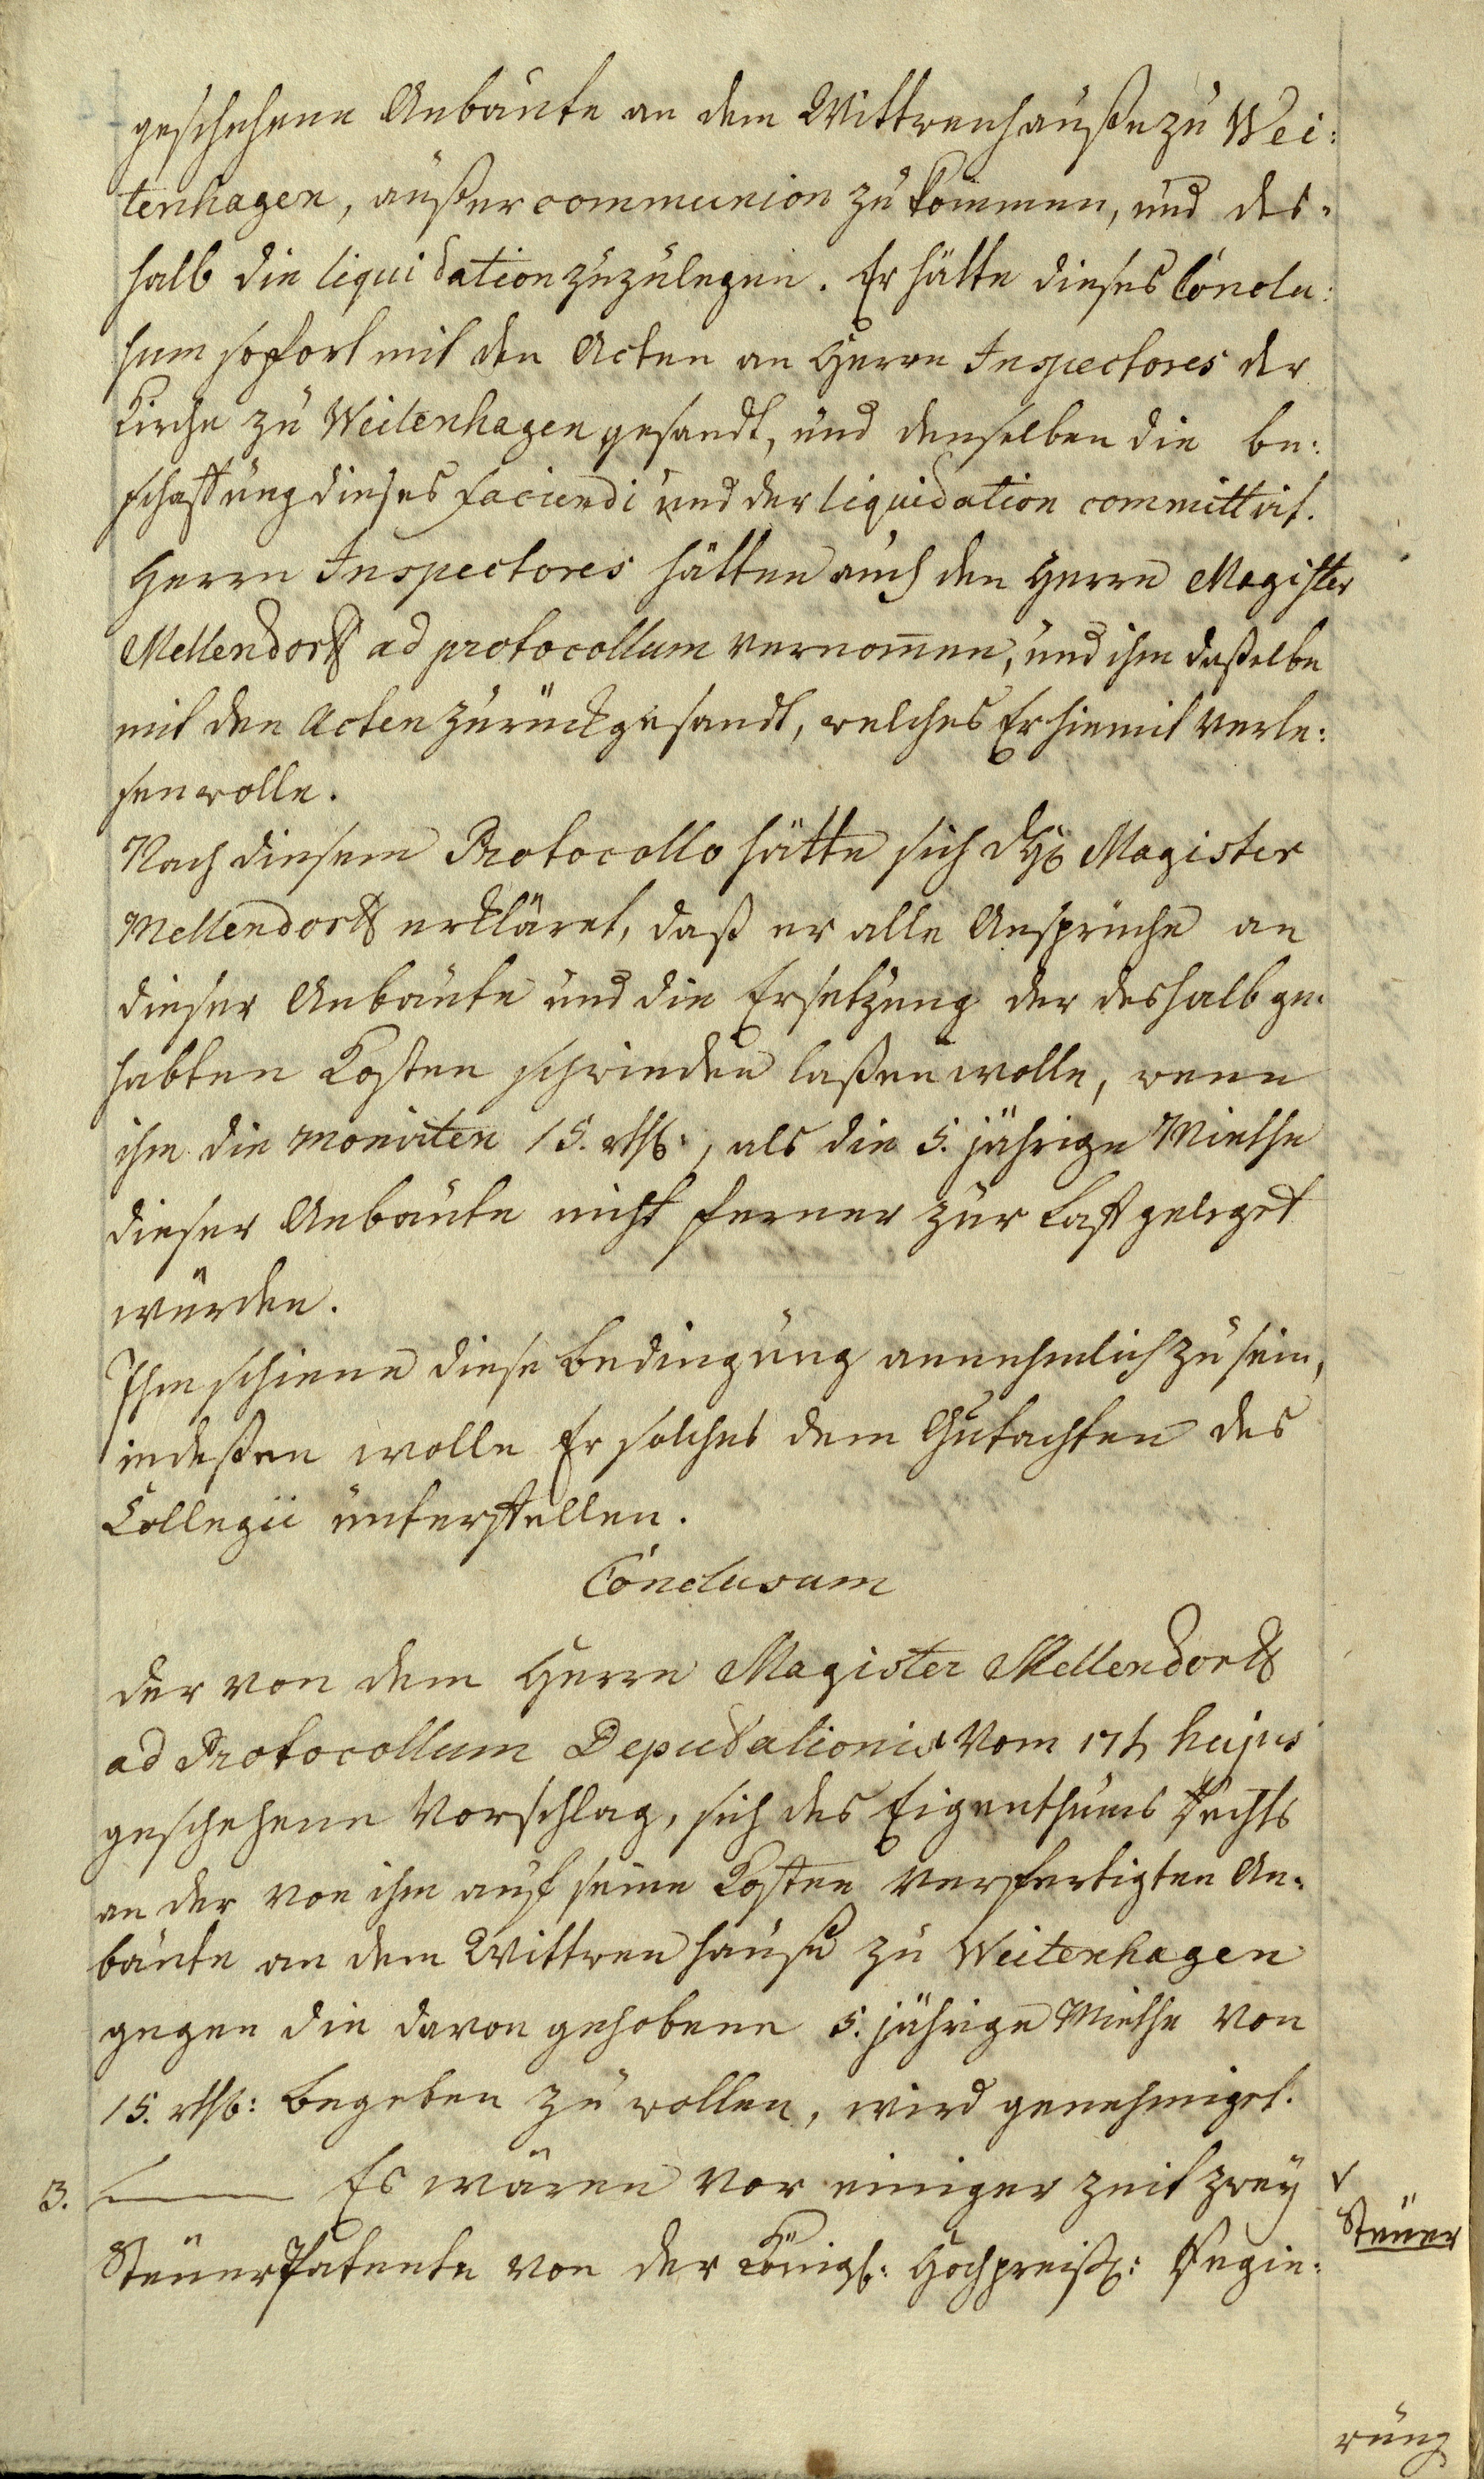geschehene Anbaute an dem Wittwenhauße zu Wei¬
tenhagen, außer communion zu kommen, und des¬
halb die liquidation zuzulegen. Er hätte dieses Conclu¬
sum sofort mit den Acten an Herrn Inspectores der
Kirche zu Weitenhagen gesandt, und denselben die Be¬
schaffung dieses faciendi und der liquidation committirt.
Herrn Inspectores hätten auch den Herrn Magister
Mellendorff ad protocollum vernomen, und ihm daßelbe
mit den Acten zurückgesandt, welches Er hiemit verle¬
sen wolle.
Nach diesem Protocollo hätte sich dh Magister
Mellendorff erkläret, daß er alle Ansprüche an
dieser Anbaute und die Ersetzung der deshalb ge¬
habten Kosten schwinden laßen wolle, wenn
ihm die monirten 15 rl., als die 5 jährige Miethe
dieser Anbaute nicht ferner zur Last geleget
würden.
Ihm schiene diese Bedingung annehmlich zu sein,
indessen wolle Er solches dem Gutachten des
Collegii unterstellen.
Conclusum
Der von dem Herrn Magister Mellendorff
ad Protocollum Deputationis vom 17 t hujus
geschehene Vorschlag, sich des Eigenthums Rechts
an der von ihm auf seine Kosten verfertigten An¬
baute an dem Wittwenhause zu Weitenhagen
gegen die davon gehobene 5 jährige Miethe von
15. rth. begeben zu wollen, wird genehmiget.
3. Es wären vor einiger Zeit zweÿ
SteuerPatente von der Königl. Hochpreißl. Regie¬